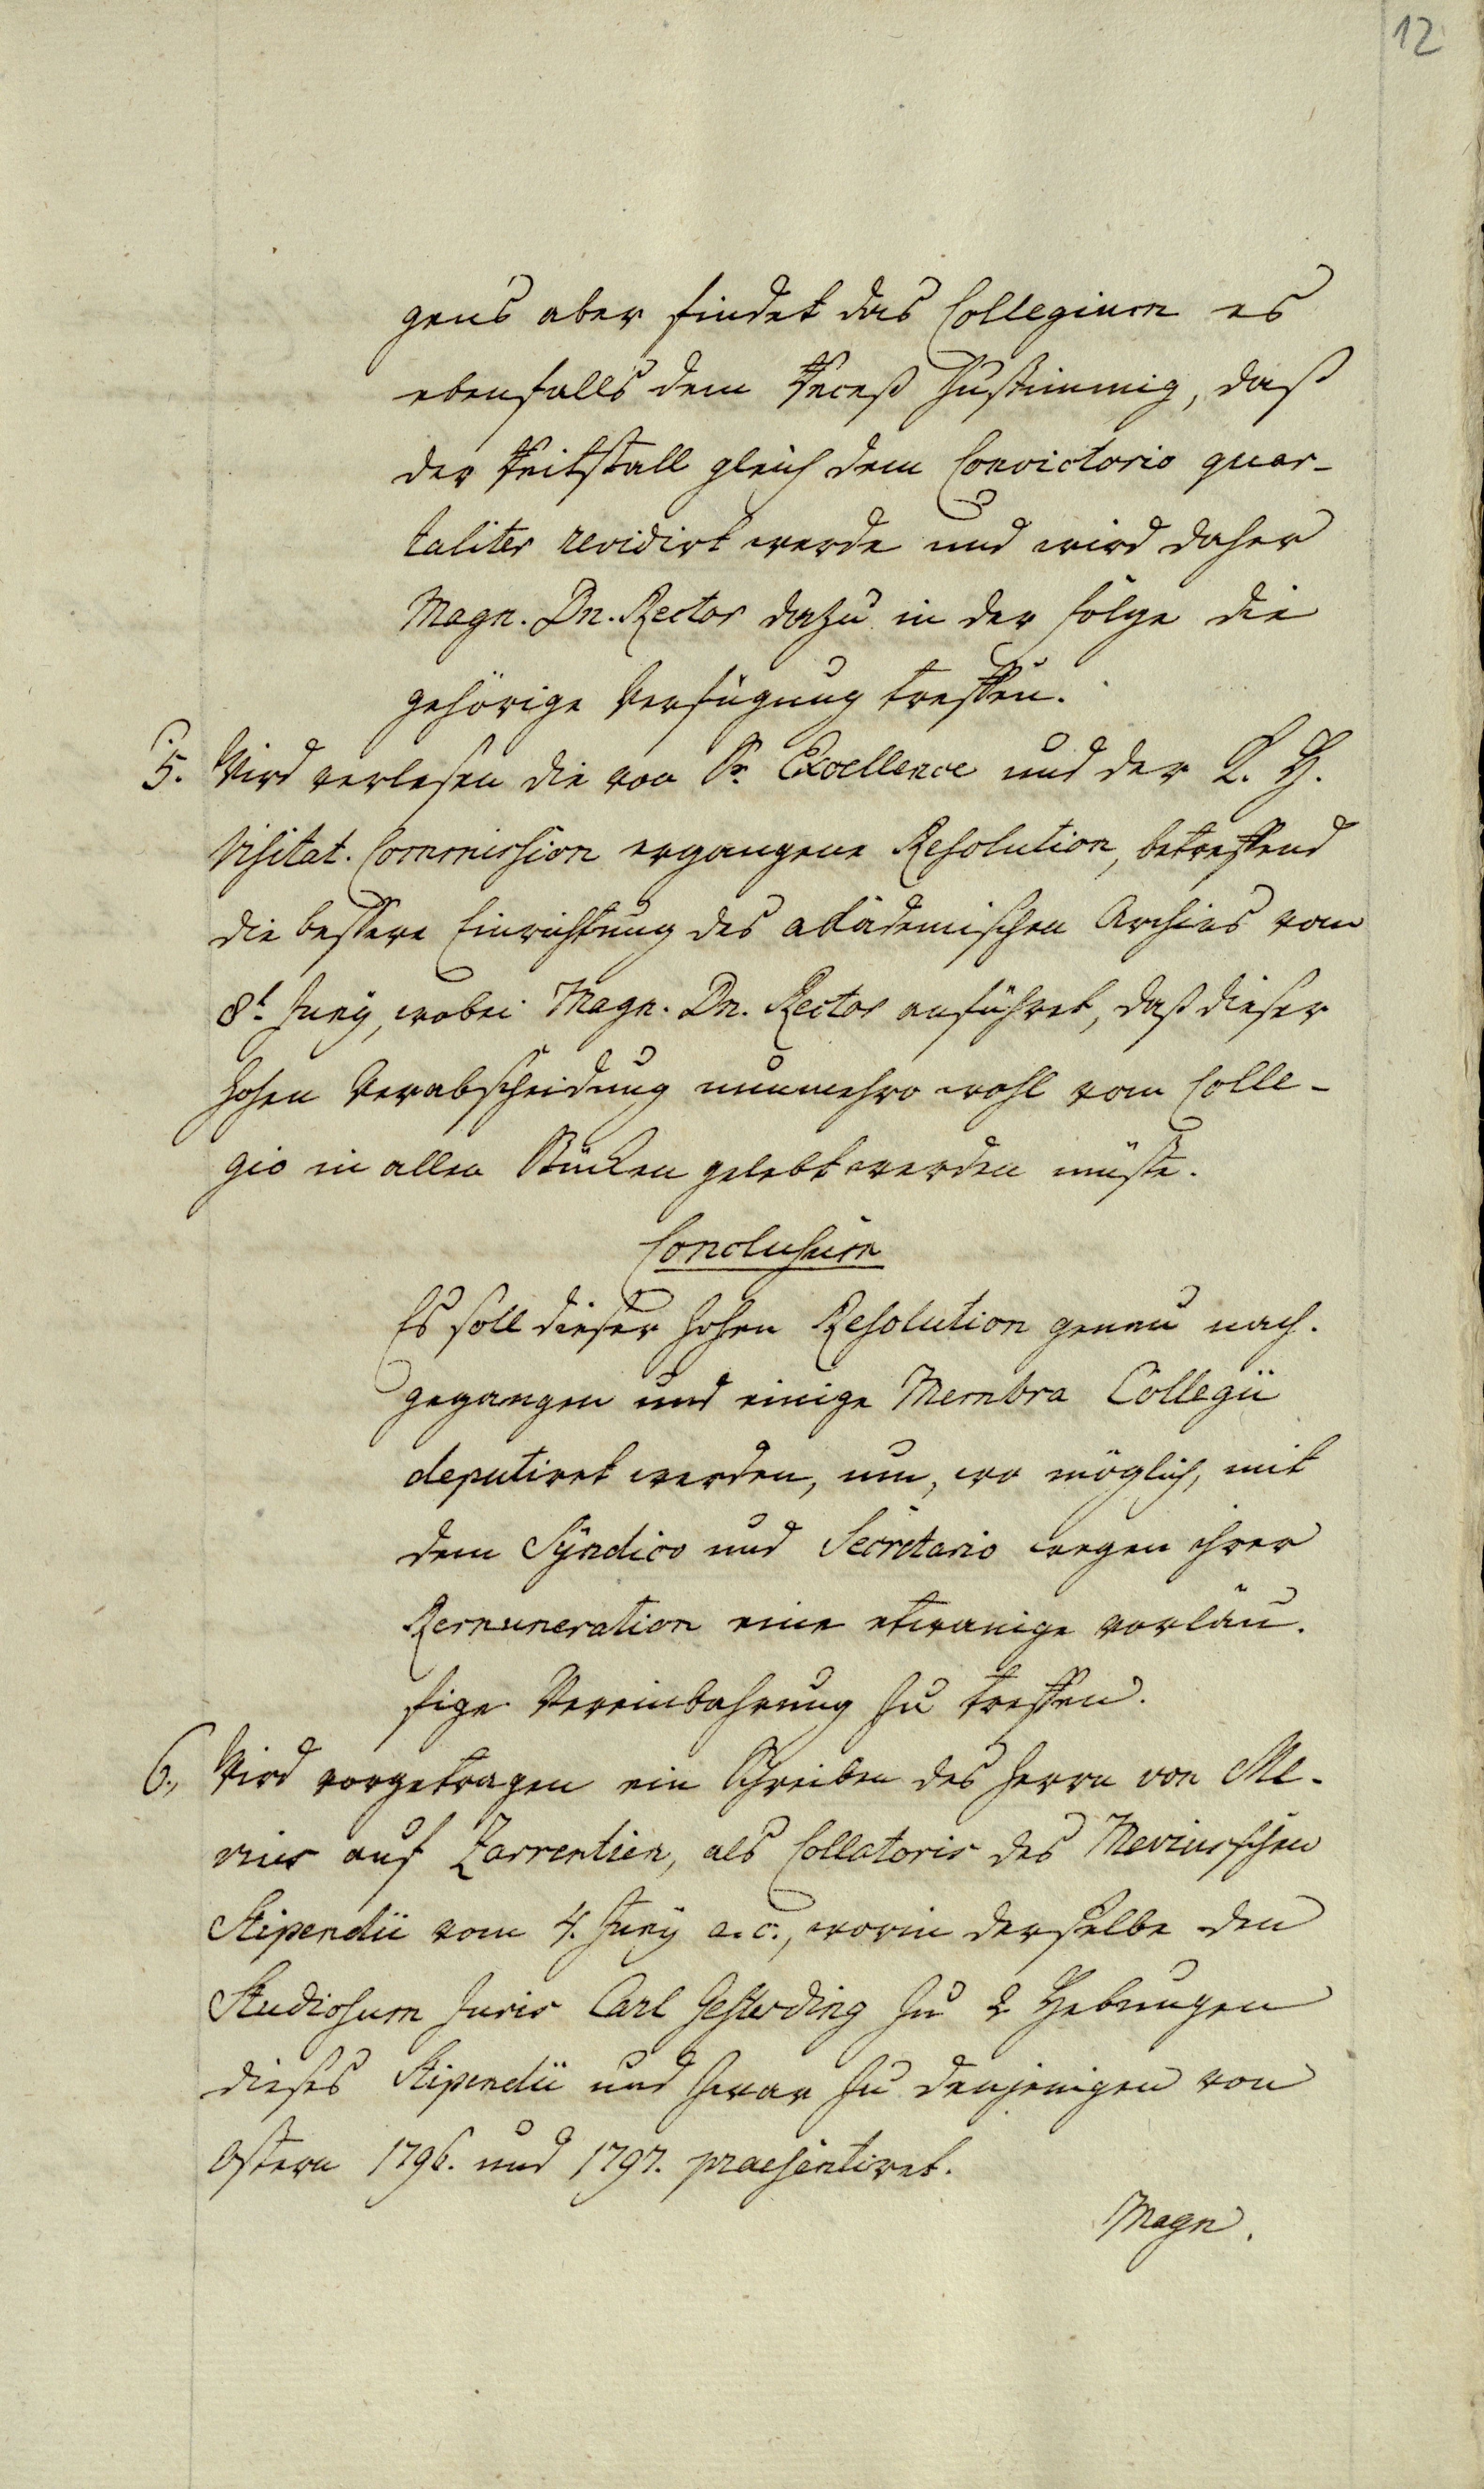gens aber findet das Collegium es
ebenfalls dem Receß zustimmig, daß
der Reitstall gleich dem Convictorio quar¬
taliter revidirt werde und wird daher
Magn. Dn. Rector dazu in der Folge die
gehörige Verfügung treffen.
5. Wird verlesen die von Sr. Excellence und der K. H.
Visitat. Commission ergangene Resolution, betreffend
die bessere Einrichtung des akademischen Archivs vom
8t. Junÿ, wobei Magn. Dn. Rector anführet, daß dieser
Hohen Verabscheidung nunmehr wohl vom Colle¬
gio in allen Stücken gelebt werden müsste.
Conclusum
Es soll dieser Hohen Resolution genau nach¬
gegangen und einige Membra Collegii
deputiert werden, um, wo möglich, mit
dem Sÿndico und Secretario wegen ihrer
Remuneration eine etwanige vorläu¬
fige Vereinbahrung zu treffen.
6., Wird vorgetragen ein Schreiben des Herrn von Me¬
rius auf Zarrentien, als Collatoris des Meriusschen
Stipendii vom 4. Junÿ a.c., worin derselbe den
Studiosum Juris Carl Gesterding zu 2. Hebungen
dieses Stipendii und zwar zu denjenigen von
Ostern 1796. und 1797 praesentiert.
Magn.